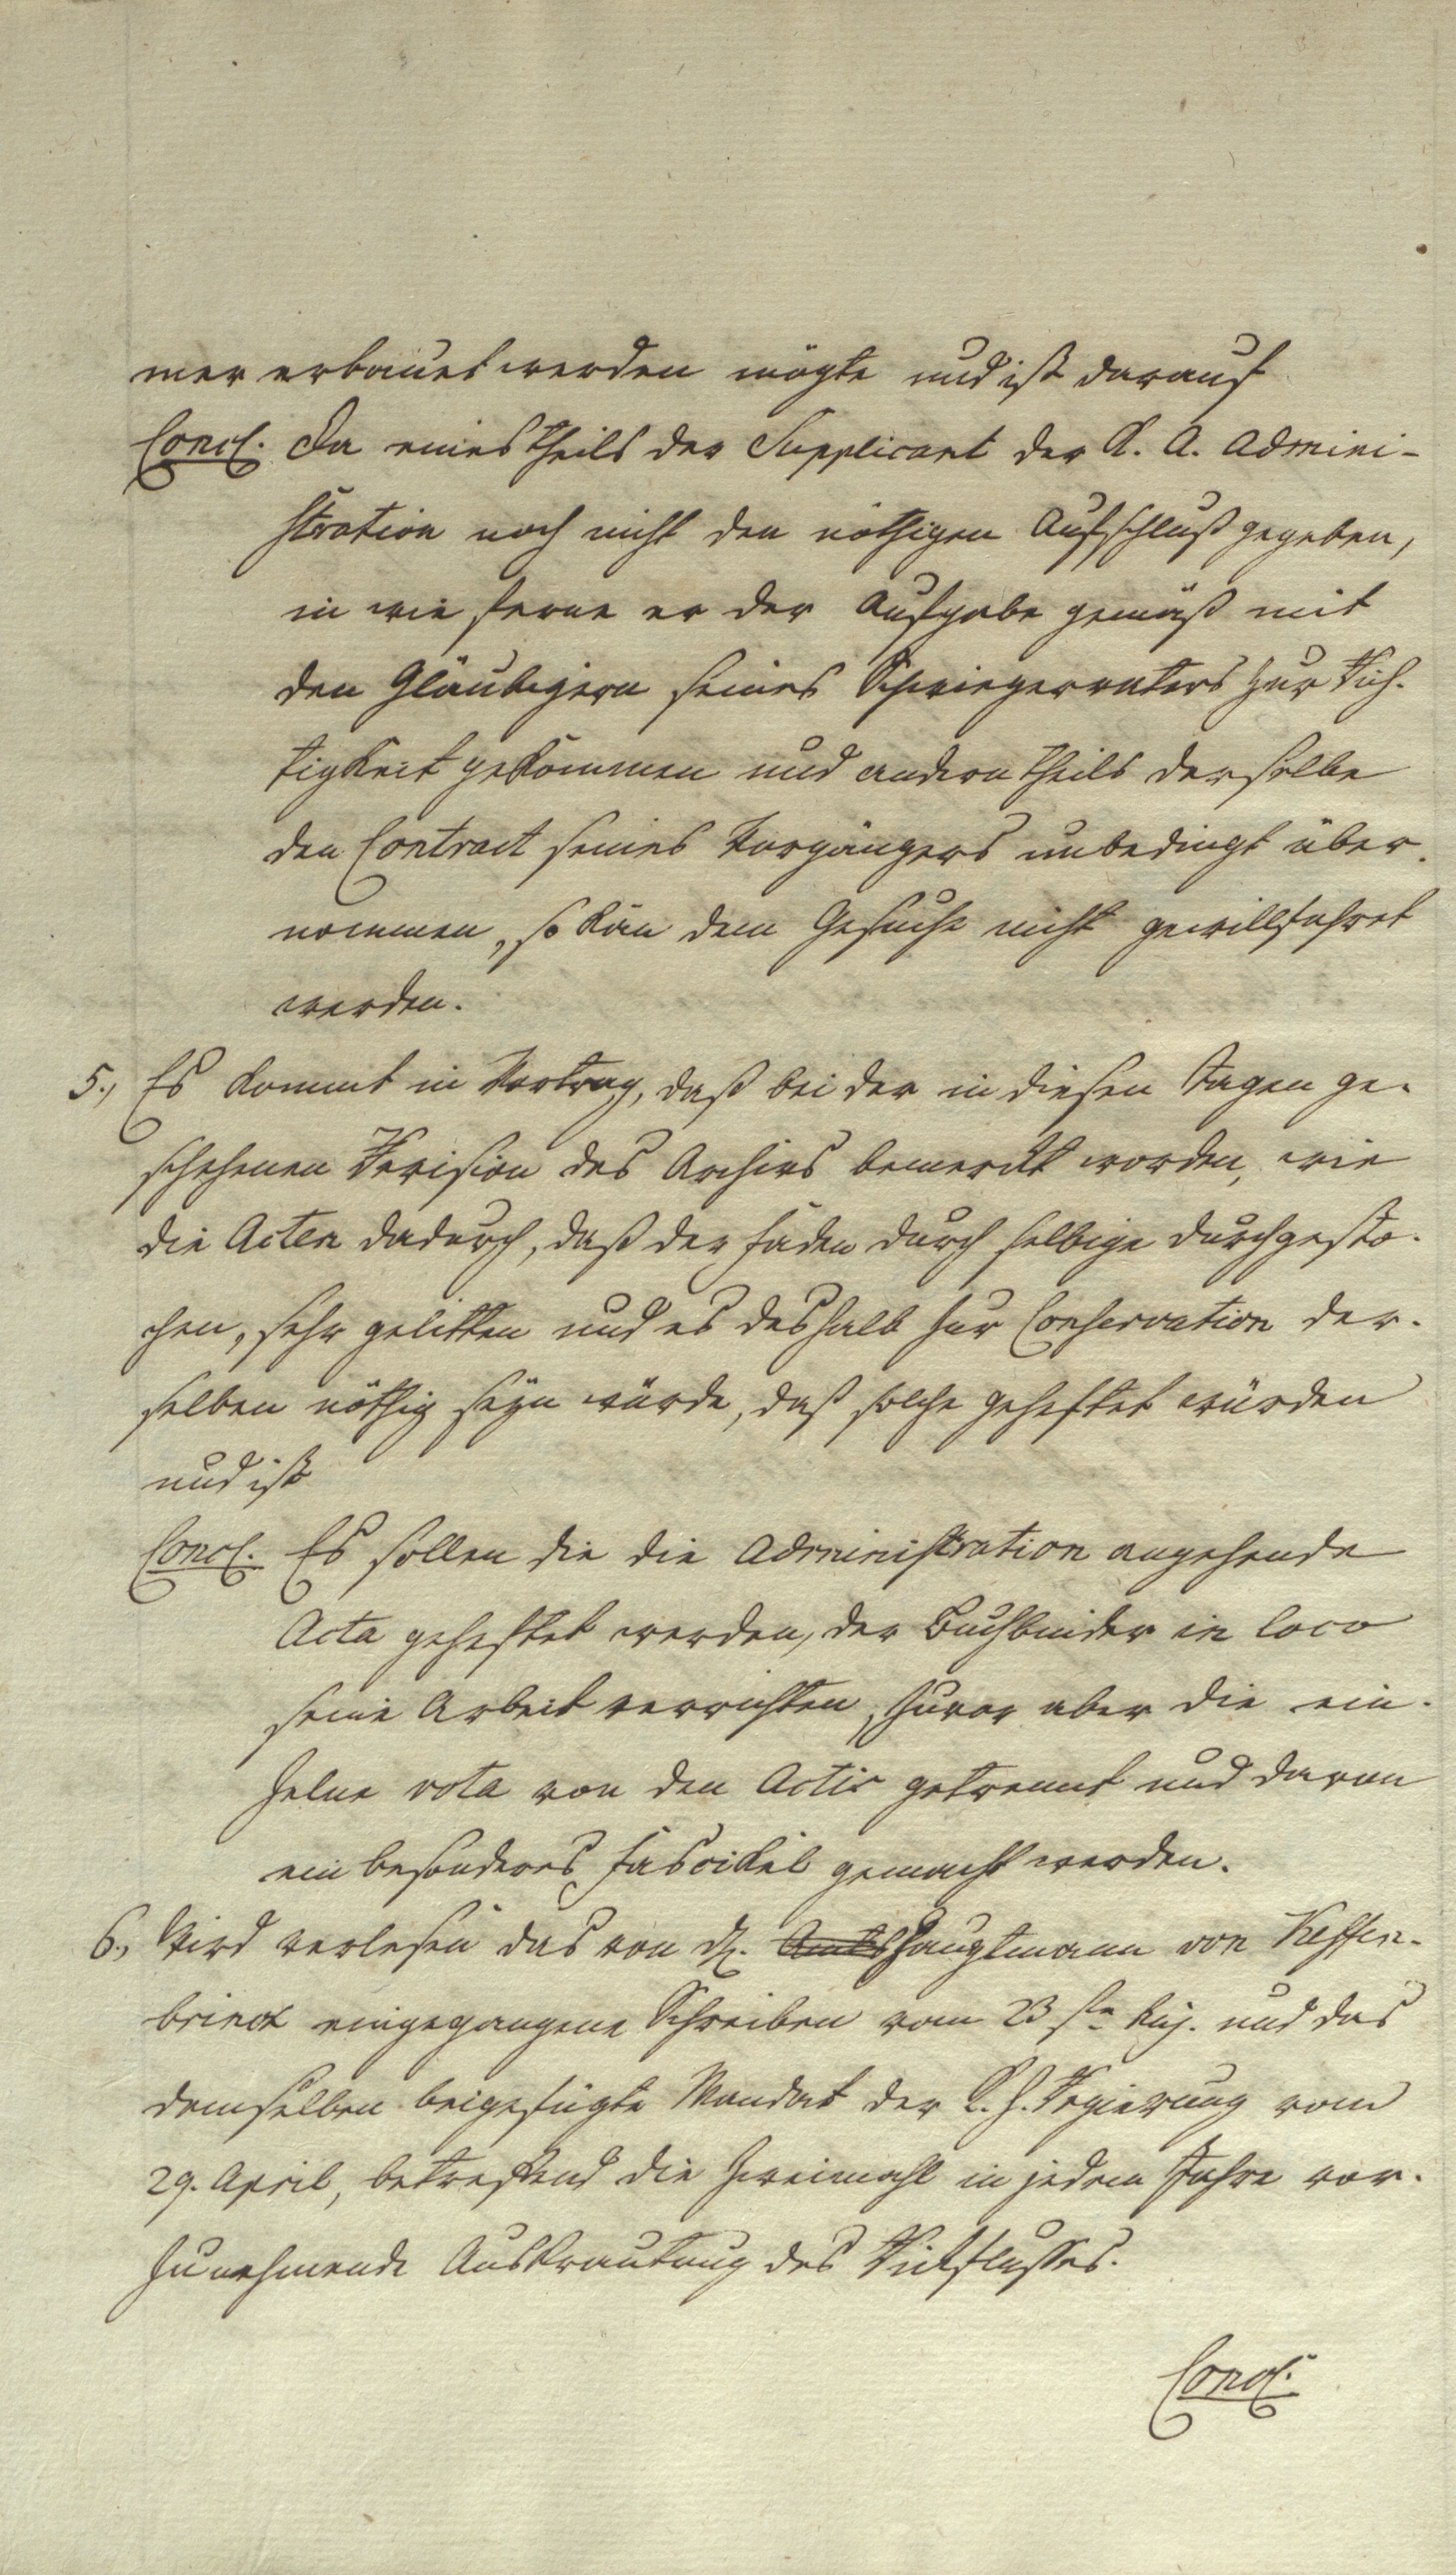mer erbauet werden mögte und ist darauf
Concl. Da einestheils der Supplicant der A. A. Admini¬
stration noch nicht den nöthigen Aufschluß gegeben,
in wie ferne er der Aufgabe gemäß mit
den Gläubigern sienes Schwiegervaters zur Rich¬
tigkeit gekommen und andern theils derselbe
den Contract seines Vorgängers unbedingt über¬
nommen, so kan dem Gesuche nicht gewillfahret
werden.
5., Es kommt in Vortrag, daß bei der in diesen Tagen ge¬
schehenen Revision des Archivs bemerkt worden, wie
die Acten dadurch, daß der Faden durch selbige durchgesto¬¬
chen, sehr gelitten und es deshalb zur Conservation der¬
selben nöthig seyn würde, daß solche geheftet würden
und ist
Concl. Es sollen die die Administration angehende
Acta geheftet werden, der Buchbinder in loco
seine Arbeit verrichten, zuvor aber die ein¬
zelne vota von den Actis getrennt und davon
ein besonders Fascikel gemacht werden.
6., Wird verlesen das von dh. Ambts Hauptmann von Keffen¬
brinck eingegangene Schreiben vom 23sten huj. und das
demselben beigefügte Mandat der K. H. Regierung vom
29. April, betreffend die Zweimahl in jedem Jahre vor¬
zunehmende Auskrautung des Rickflusses.
Concl.